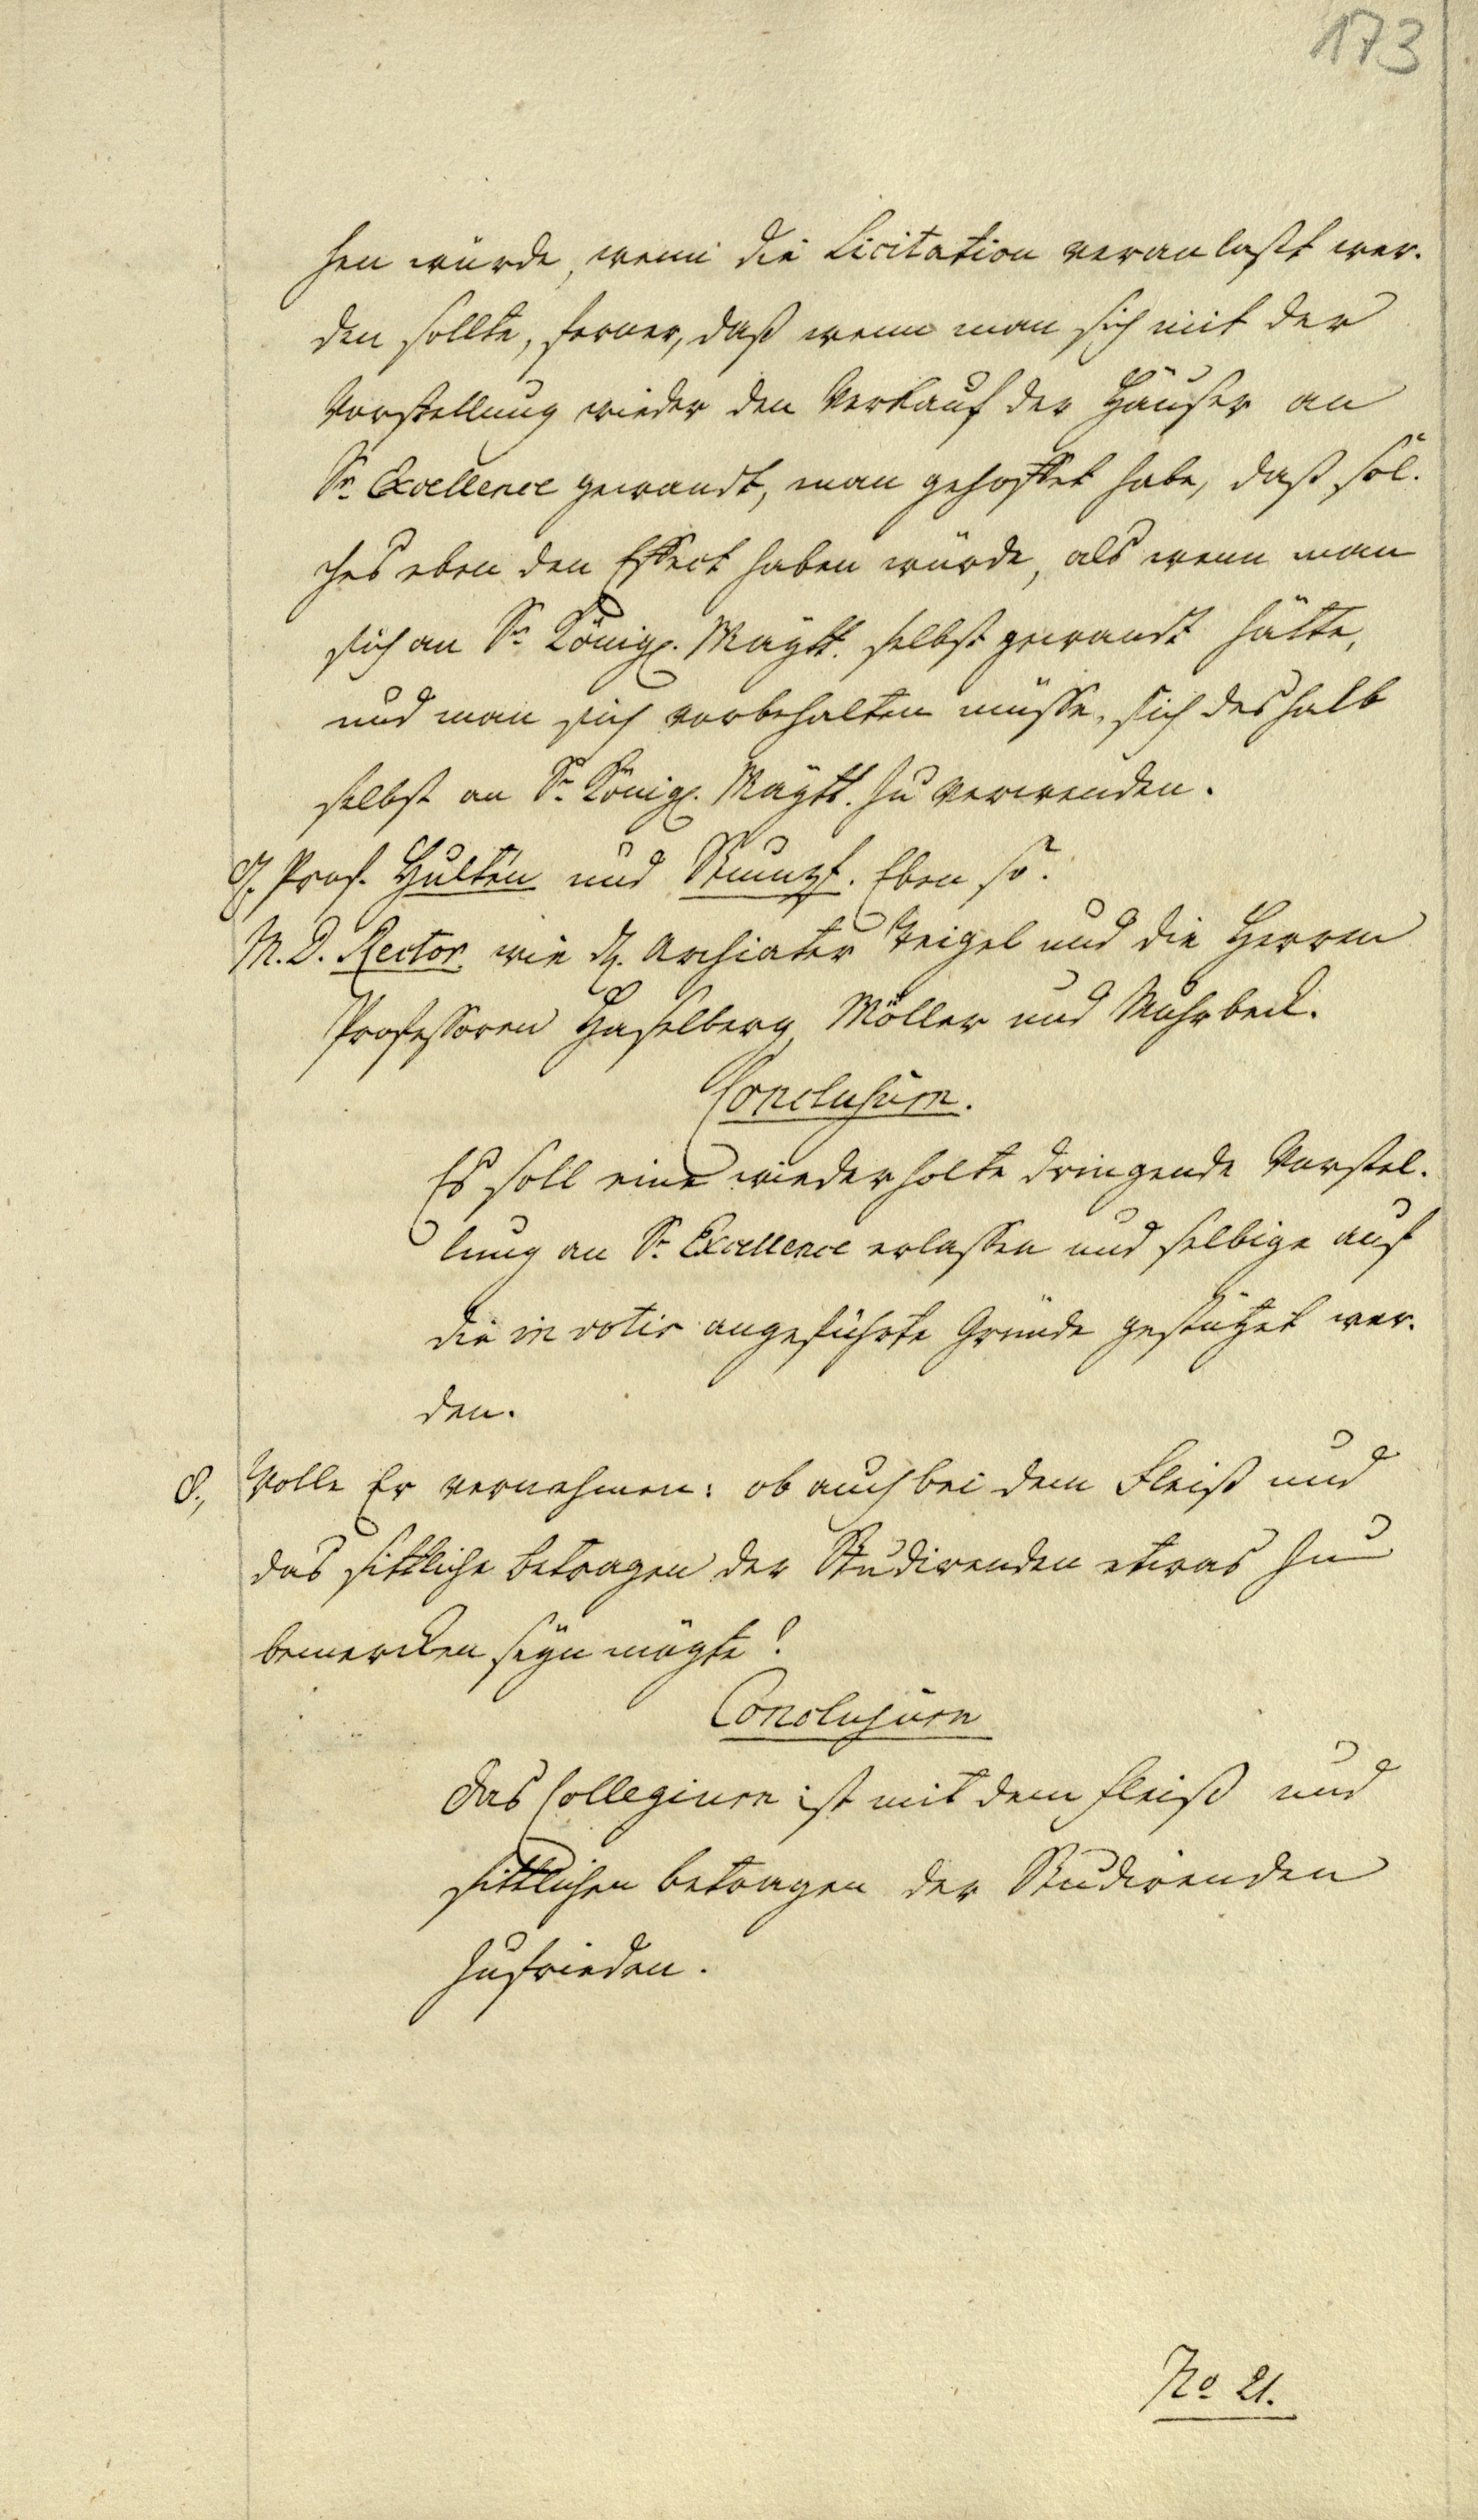hen würde, wenn die Licitation veranlaßt wer¬
den sollte, ferner, daß wenn man sich mit der
Vorstellung wieder den Verkauf der Häuser an
Sr Excellence gewandt, man gehoffet habe, daß sol¬
ches eben den Effect haben würde, als wenn man
sich an Sr Königl. Maÿtt. selbst gewandt hätte,
und man sich vorbehalten müsse, sich deshalb
selbst an Sr. Königl. Maÿtt. zu verwenden.
dh. Prof. Hultén und Stumpf. Eben so.
M D. Rector wie dh. Archiater Weigel und die Herren
Professoren Haselberg, Möller und Muhrbeck.
Conclusum
Es soll eine wiederholte dringende Vorstel¬
lung an Sr Excellence erlassen und selbige auf
die in votis angeführte Gründe gestützet wer¬
den.
8., Wolle Er vernehmen: ob auch bei dem Fleiß und
das sittliche Betragen der Studirenden etwas zu
bemercken seÿn mögte?
Conclusum
Das Collegium ist mit dem Fleiß und
sittlichen Betragen der Studirenden
zufrieden.
No 21.